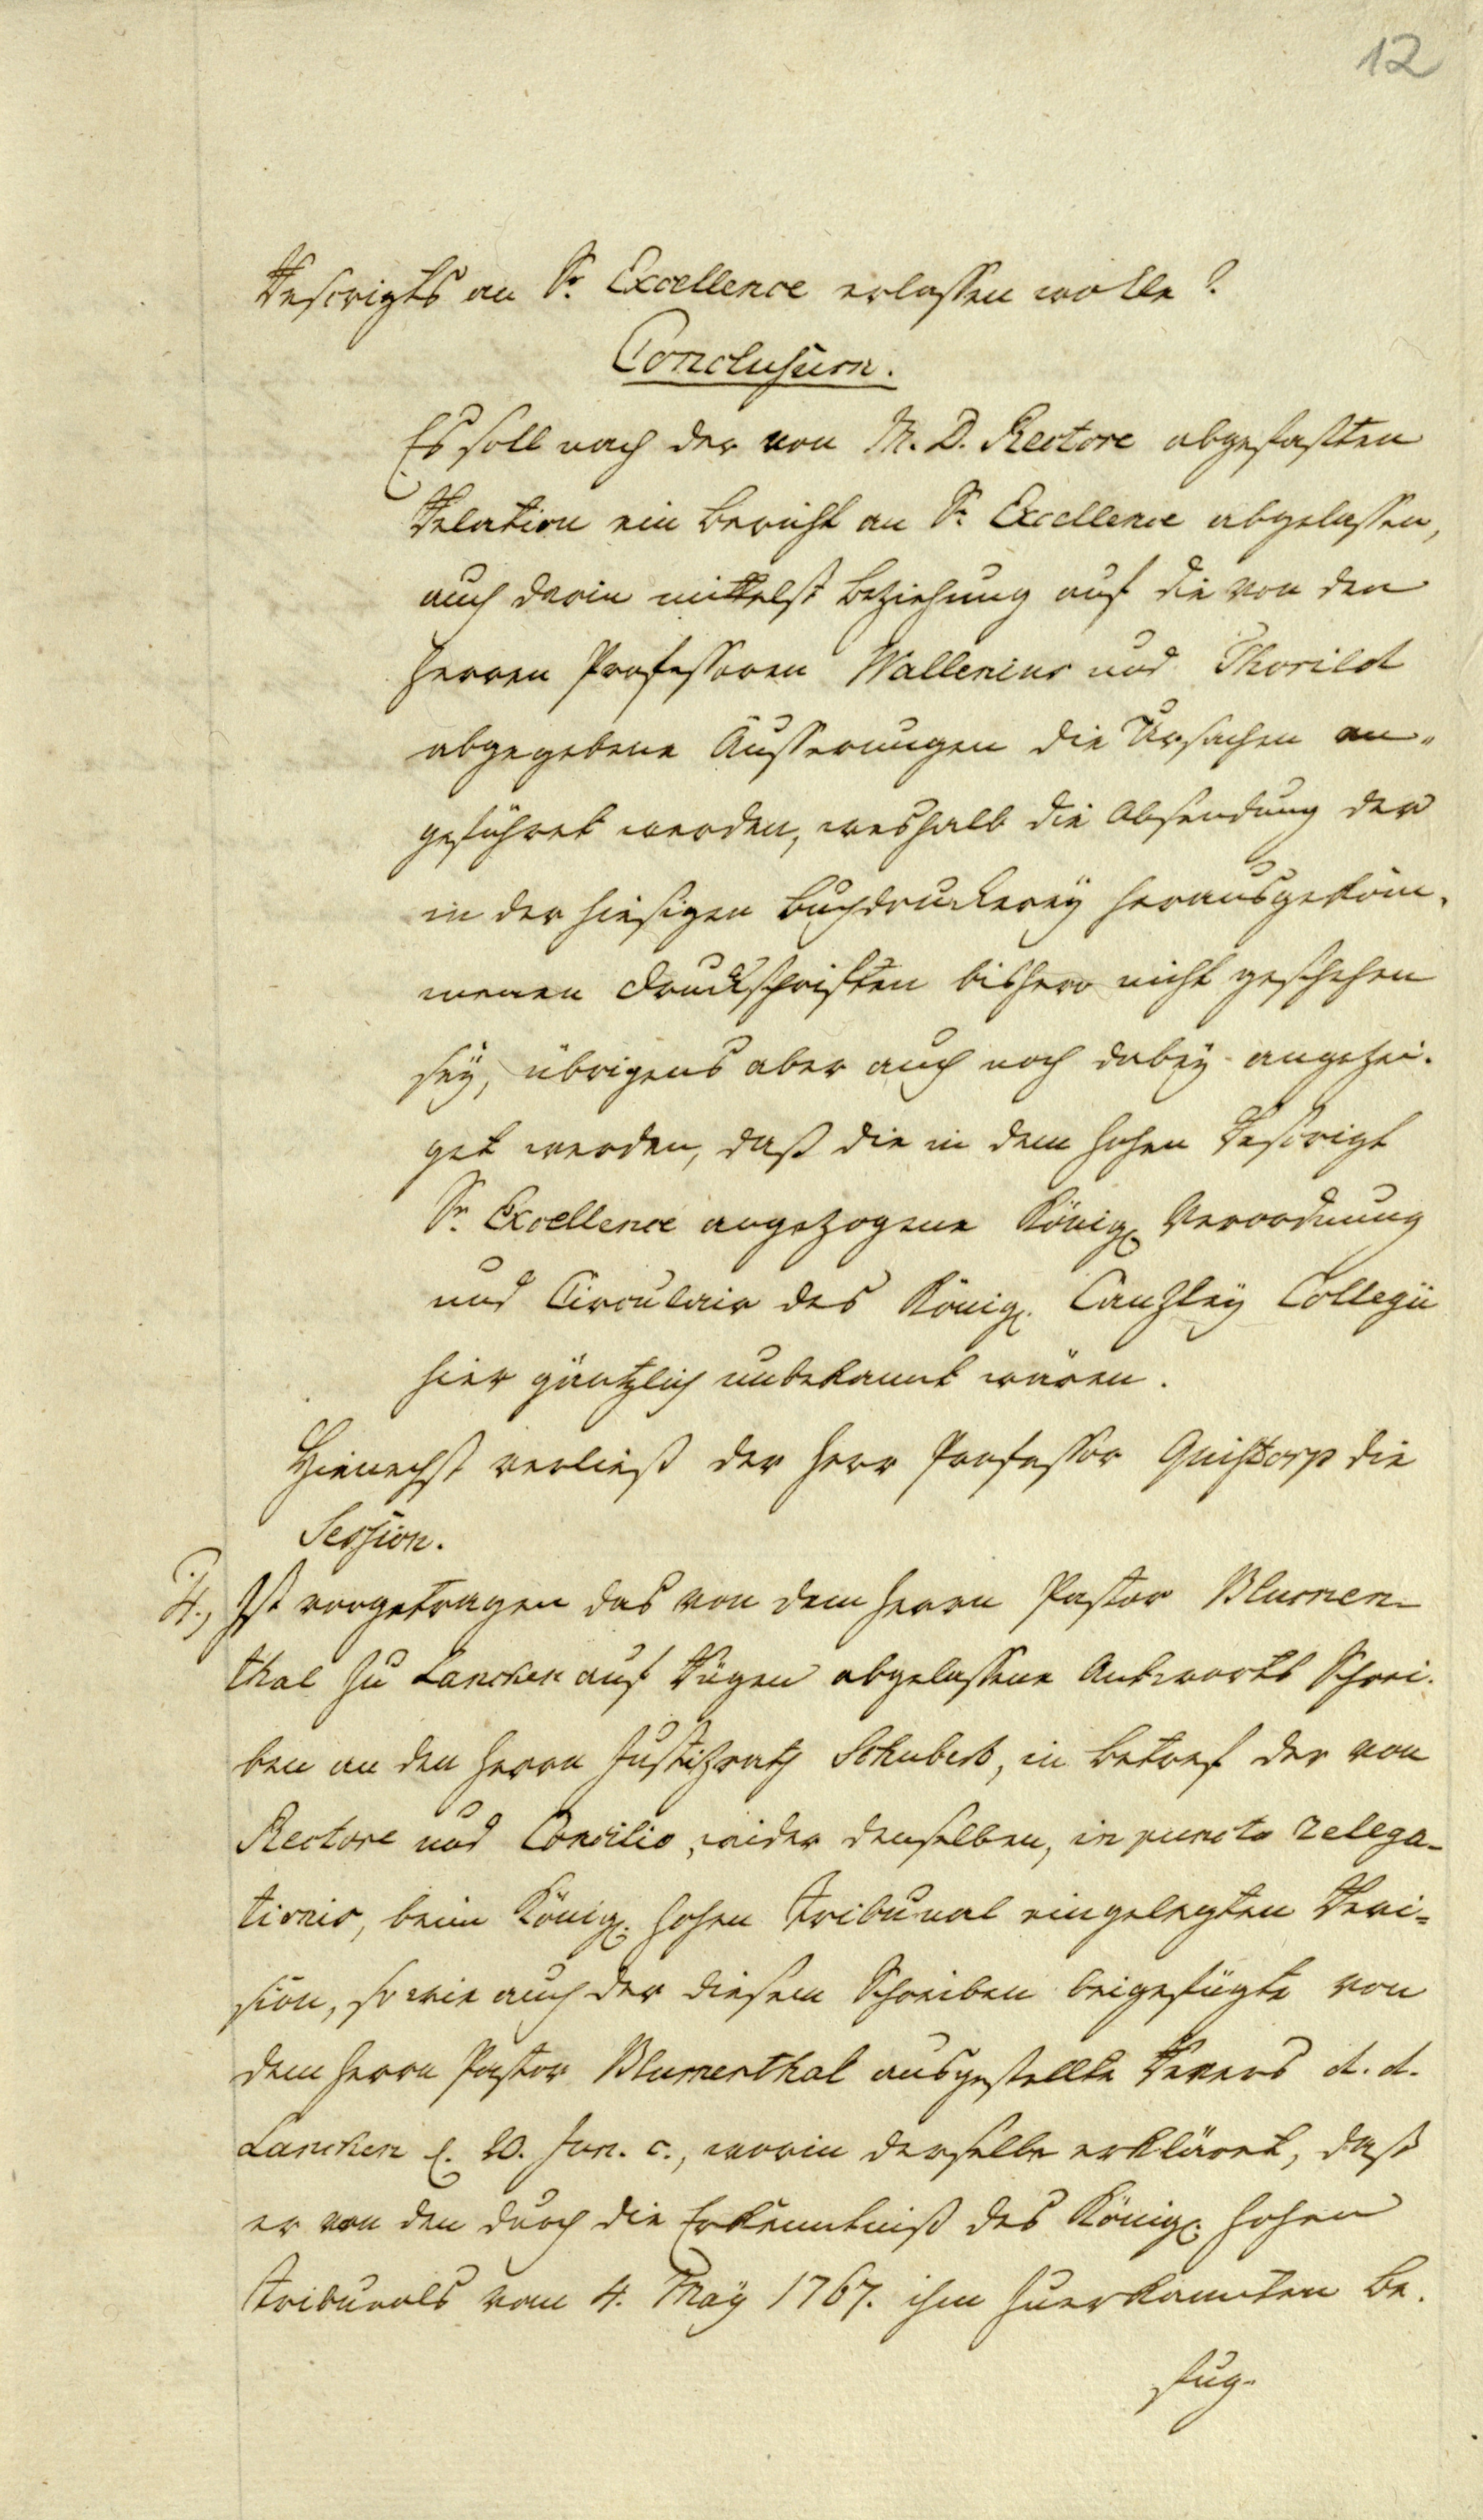Rescripts an Sr. Excellence erlassen wolle!
Conclusum
Es soll nach der von M. D. Rectore abgefaßten
Relation ein Bericht an Sr. Excellence abgelassen,
auch darin mittelst Beziehung auf die von den
herren Professoren Wallenius und Thorild
abgegebene Äusserungen die Ursachen an¬
geführet werden, weshalb die Absendung der
in der hiesigen Buchdruckereÿ herausgekom¬
menen Druckschriften bisher nicht geschehen
seÿ, übrigens aber auch noch dabeÿ angezei¬
get werden, daß die in dem hohen Rescript
Sr. Excellence angezogene Königl. Verordnung
und Circulair des Königl. Cancleÿ Collegii
hier gäntzlich unbekannt wären.
Hienechst verließ der herr Professor Quistorp die
Session.
4., Ist vorgetragen das von dem herrn Pastor Blumen¬
thel zu Lancken auf Rügen abgelassene Antworts Schrei¬
ben an den herrn Justizrath Schubert, in Betref der von
Rectore und Concilio, wider denselben, in puncto relega¬
tionis, beim Königl. hohen Tribunal eingelegten Revi¬
sion,so wie auch der diesem Schreiben beigefügte von
dem herrn Pastor Blumenthal ausgestellte Revers d. d.
Lancken l. 20. Jun. c., worin derselbe erkläret, daß
er von den durch die Erkenntniß des Königl. hohen
Tribunals vom 4. Maÿ 1767. ihm zuerkannten Be¬
fug.